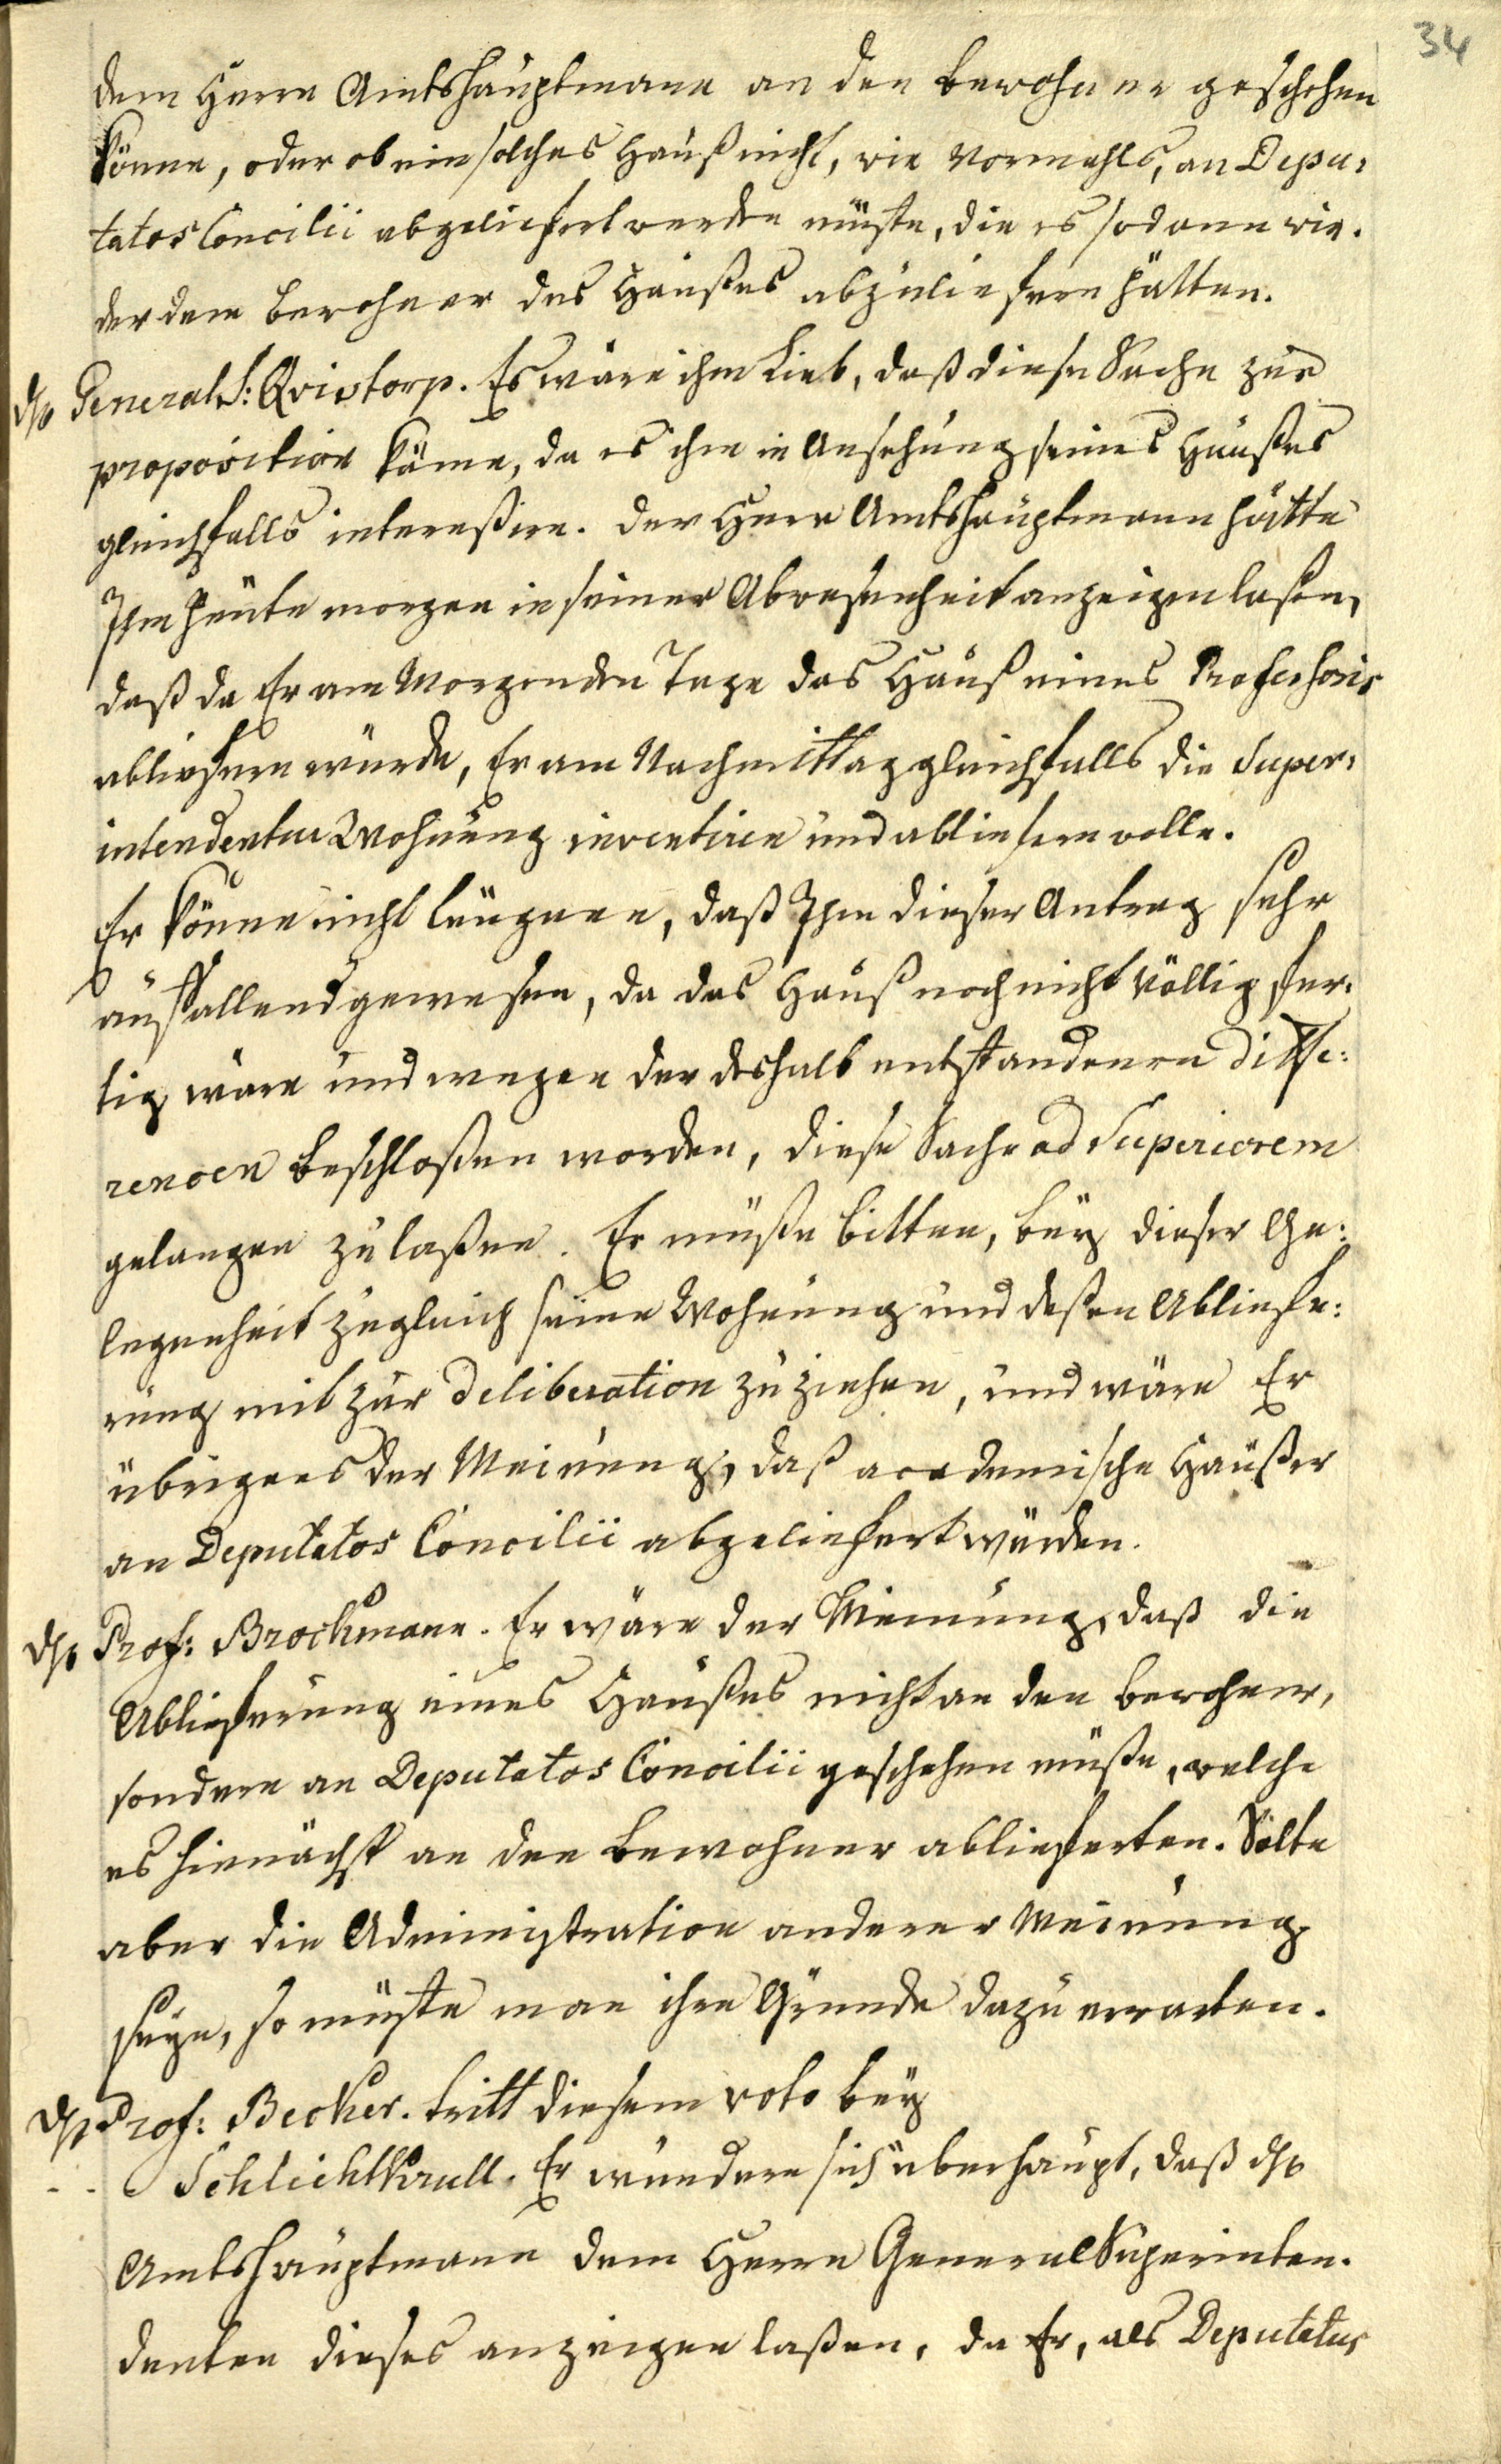dem Herrn Amtshauptmann an den Bewohner geschehen
könne, oder ob ein solches Hauß nicht, wie vormahls, an Depu¬
tatos Concilii abgeliefert werden müste, die es sodann wie¬
der dem Bewohner des Haußes abzuliefern hätten.
dh GeneralS. Quistorp. Es wäre ihm Lieb, daß diese Sache zur
proposition käme, da es ihm in Ansehung seines Haußes
gleichfalls intereßire. Der Herr Amtshauptmann hätte
Ihm heute morgen in seiner Abwesenheit anzeigen laßen,
daß da Er am Morgenden Tage das Hauß eines Professoris
abliefern würde, Er am Nachmittag gleichfalls die Super¬
intendentur Wohnung inventiren und abliefern wolle.
Er könne nicht leugnen, daß Ihm dieser Antrag sehr
auffallend gewesen, da das Hauß noch nicht völlig fer¬
tig wäre und wegen der deshalb entstandenen diffe¬
rencen beschloßen worden, diese Sache ad Superiorem
gelangen zu laßen. Er müße bitten, beÿ dieser Ge¬
legenheit zugleich seine Wohnung und deßen Abliefe¬
rung mit zur deliberation zu ziehen, und wäre Er
übrigens der Meinung, daß academische Häußer
an Deputatos Concilii abgeliefert würden.
dh. Prof. Brockmann. Er wäre der Meinung, daß die
Ablieferung eines Haußes nicht an den Bewohner,
sondern an Deputatos Concilii geschehen müße, welche
es hienächst an den Bewohner ablieferten. Solte
aber die Administration anderer Meinung
seÿn, so müste man ihm Gründe dazu erwarten.
dh Prof. Becker. tritt diesem voto beÿ.
Schlichtkrull. Er wundere sich überhaupt, daß dh
Amtshauptmann dem Herrn GeneralSuperinten¬
denten dieses anzeigen laßen, da Er, als Deputatus